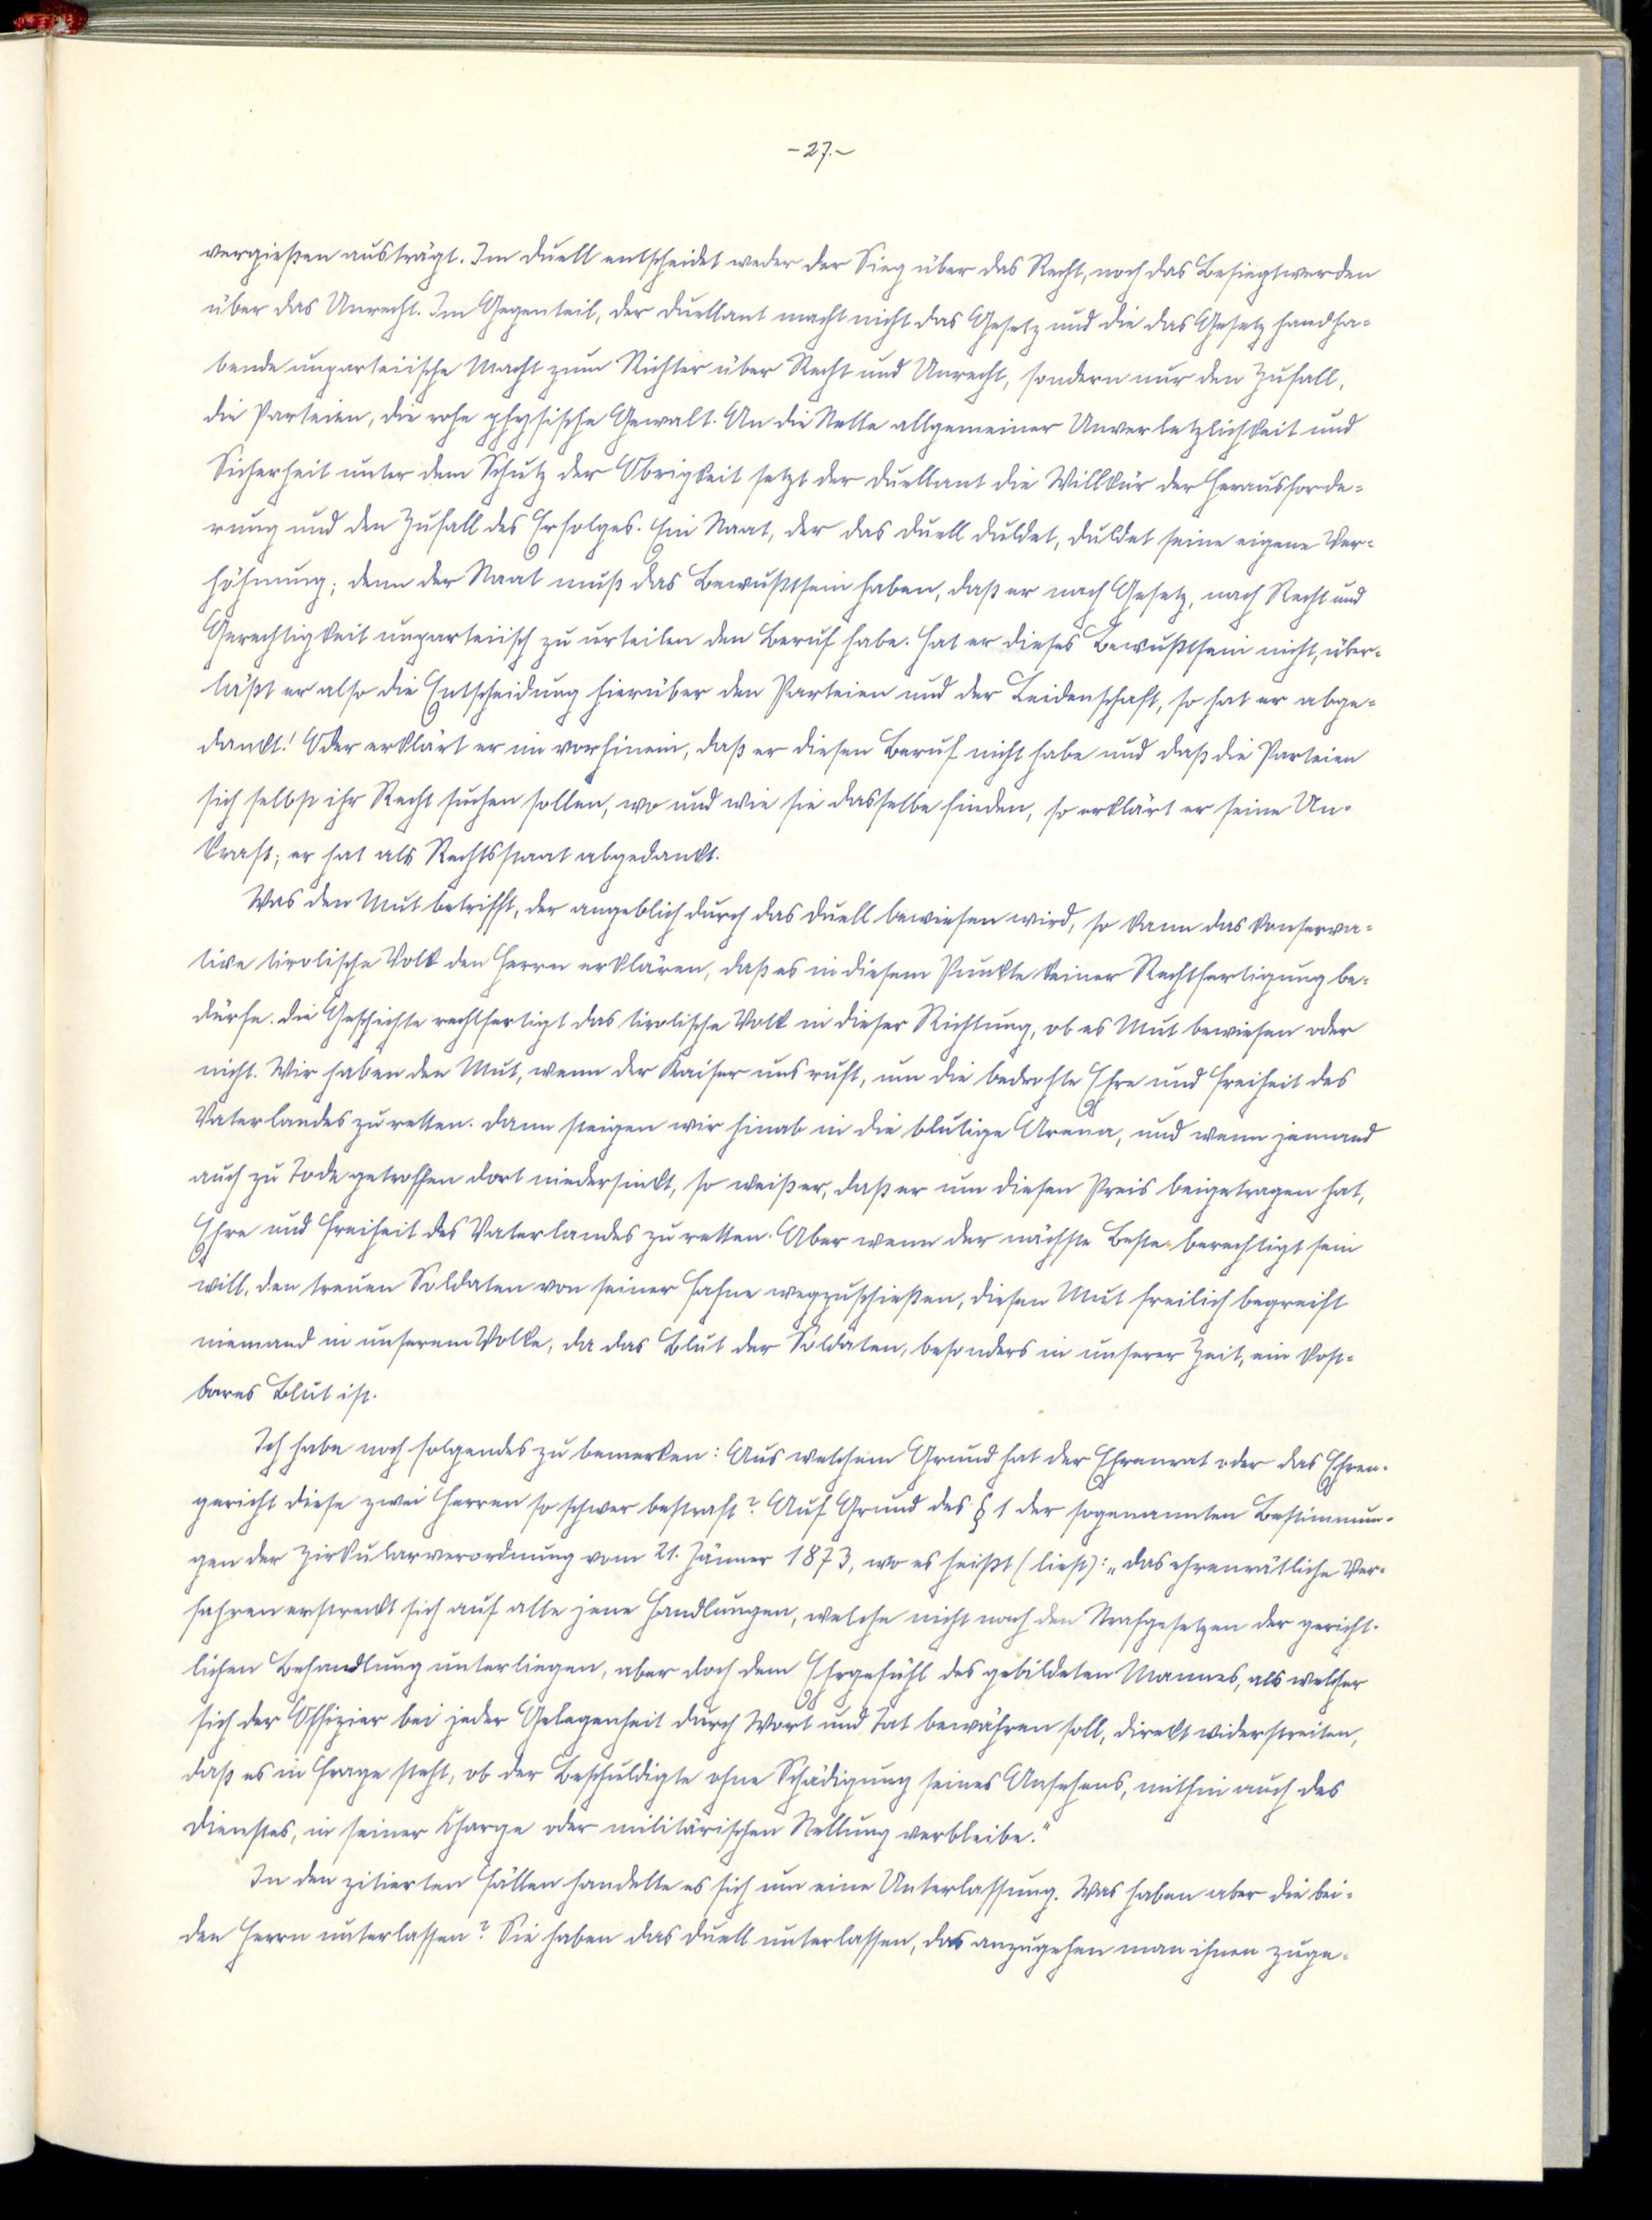27.
vergießen austrägt. Im Duell entscheidet weder der Sieg über das Recht, noch das Besiegtwerden
über das Unrecht. Im Gegenteil, der Duellant macht nicht das Gesetz und die das Gesetz handha-
bende unparteiische Macht zum Richter über Recht und Unrecht, sondern nur den Zufall,
die Parteien, die rohe physische Gewalt. An die Stelle allgemeiner Unverletzlichkeit und
Sicherheit unter dem Schutz der Obrigkeit setzt der Duellant die Willkür der Herausforde-
rung und den Zufall des Erfolges. Ein Staat, der das Duell duldet, duldet seine eigene Ver-
höhnung; denn der Staat muß das Bewusstsein haben, dass er nach Gesetz, nach Recht und
Gerechtigkeit unparteisch zu urteilen den Beruf habe. Hat er dieses Bewusstsein nicht, über-
läßt er also die Entscheidung hierüber den Parteien und der Leidenschaft, so hat er abge-
dankt! Oder erklärt er im vorhinein, dass er diesen Beruf nicht habe und daß die Parteien
sich selbst ihr Recht suchen sollen, wo und wie sie dasselbe finden, so erklärt er seine Un-
kraft; er hat als Rechtsstaat abgedankt.
Was den Mut betrifft, der angeblich durch das Duell bewiesen wird, so kann das konserva-
tive tirolische Volk den Herrn erklären, daß es in diesem Punkte keiner Rechtfertigung be-
dürfe. Die Geschichte rechtfertigt das tirolische Volk in dieser Richtung, ob es Mut bewiesen oder
nicht. Wir haben den Mut, wenn der Kaiser uns ruft, um die bedrohte Ehre und Freiheit des
Vaterlandes zu retten. Dann steigen wir hinab in die blutige Arena, und wenn jemand
auch zu Tode getroffen dort niedersinkt, so weiß er, daß er um diesen Preis beigetragen hat,
Ehre und Freiheit des Vaterlandes zu retten. Aber wenn der nächste Beste berechtigt sein
will, den treuen Soldaten von seiner Fahne wegzuschießen, diesen Mut freilich begreift
niemand in unserem Volke, da das Blut der Soldaten, besonders in unserer Zeit, ein kost-
bares Blut ist.
Ich habe noch folgendes zu bemerken: Aus welchem Grund hat der Ehrenrat oder das Ehren-
gericht diese zwei Herren so schwer bestraft? Auf Grund des §1 der sogenannten Bestimmun-
gen der Zirkularverordnung vom 21. Jänner 1873, wo es heißt (liest): "Das ehrenrätliche Ver-
fahren erstreckt sich auf alle jene Handlungen, welche nicht nach den Strafgesetzen der gericht-
lichen Behandlung unterliegen, aber doch dem Ehrgefühl des gebildeten Mannes, als welcher
sich der Offizier bei jeder Gelegenheit durch Wort und Tat bewähren soll, direkt widerstreiten,
daß es in Frage steht, ob der Beschuldigte ohne Schädigung seines Ansehens, mithin auch des
Dienstes, in seiner Charge oder militärischen Stellung verbleibe.“
In den zitierten Fällen handelte es sich um eine Unterlassung. Was haben aber die bei-
den Herrn unterlassen? Sie haben das Duell unterlassen, das anzugehen man ihnen zuge-